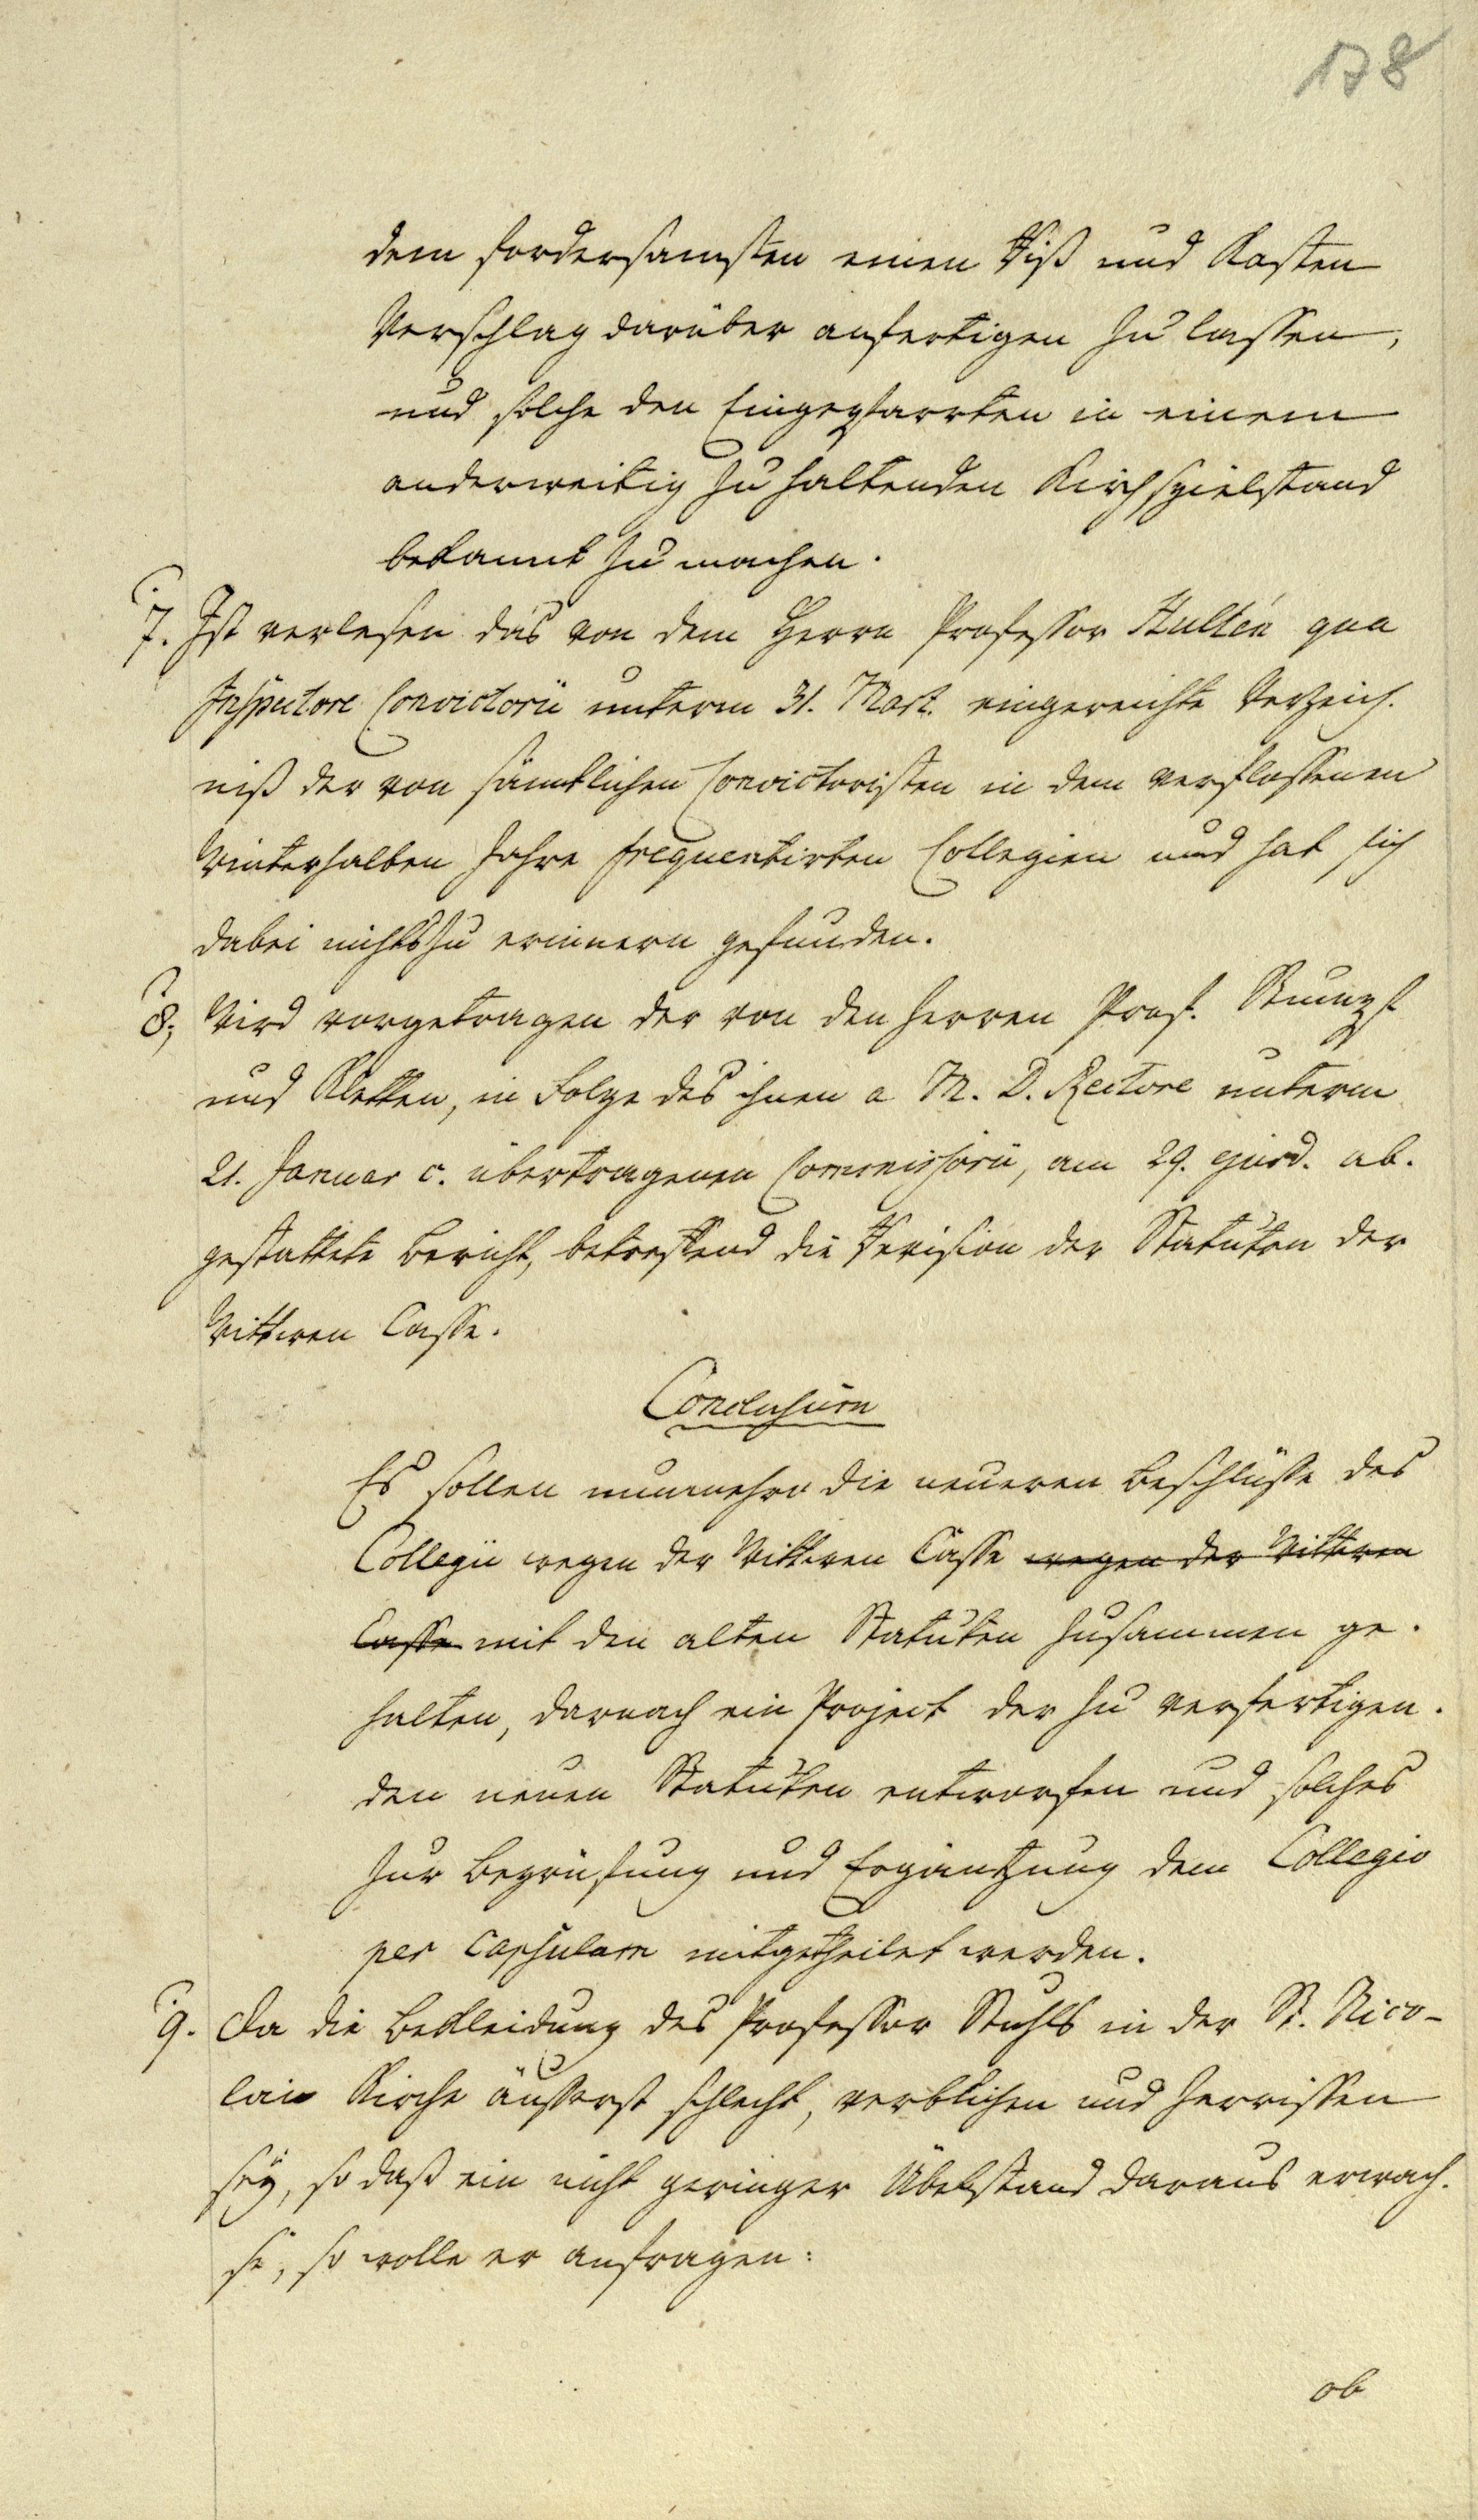dem fordersamsten einen Riß und Kosten¬
Verschlag darüber anfertigen zu lassen,
und solche den Eingepfarrten in einem
anderweitig zu haltenden Kirchspielstand
bekannt zu machen.
7. Ist verlesen das von dem Herrn Professor Hultén qua
Inspectore Convictorii unterm 31. Mart. eingereichte Verzeich¬
niß der von sämtlichen Convictoristen in dem verflossenen
Winterhalben Jahre frequentirten Collegien und hat sich
dabei nichts zu erinnern gefunden.
8., Wird vorgetragen der von den Herren Prof. Stumpf
und Kletten, in Folge des ihnen a M. D. Rectore unterm
21. Januar c. übertragenen Commissorii, am 29. ejusd. ab¬
gestattete Bericht, betreffend die Revision der Statuten der
Wittwen Casse.
Conclusum
Es sollen nunmehro die neueren Beschlüsse des
Collegii wegen der Wittwen Casse wegen der Wittwen
Casse mit den alten Statuten zusammen ge¬
halten, darnach ein Project der zu verfertigen¬
den neuen Statuten entworfen und solches
zur Beprüfung und Ergäntzung dem Collegio
per Capsulam mitgetheilet werden.
9. Da die Bekleidung des Professor Stuhls in der St. Nico¬
lai Kirche äusserst schlecht, verblichen und zerrissen
seÿ, so daß ein nicht geringer Übelstand daraus erwach¬
se, so wolle er anfragen:
ob